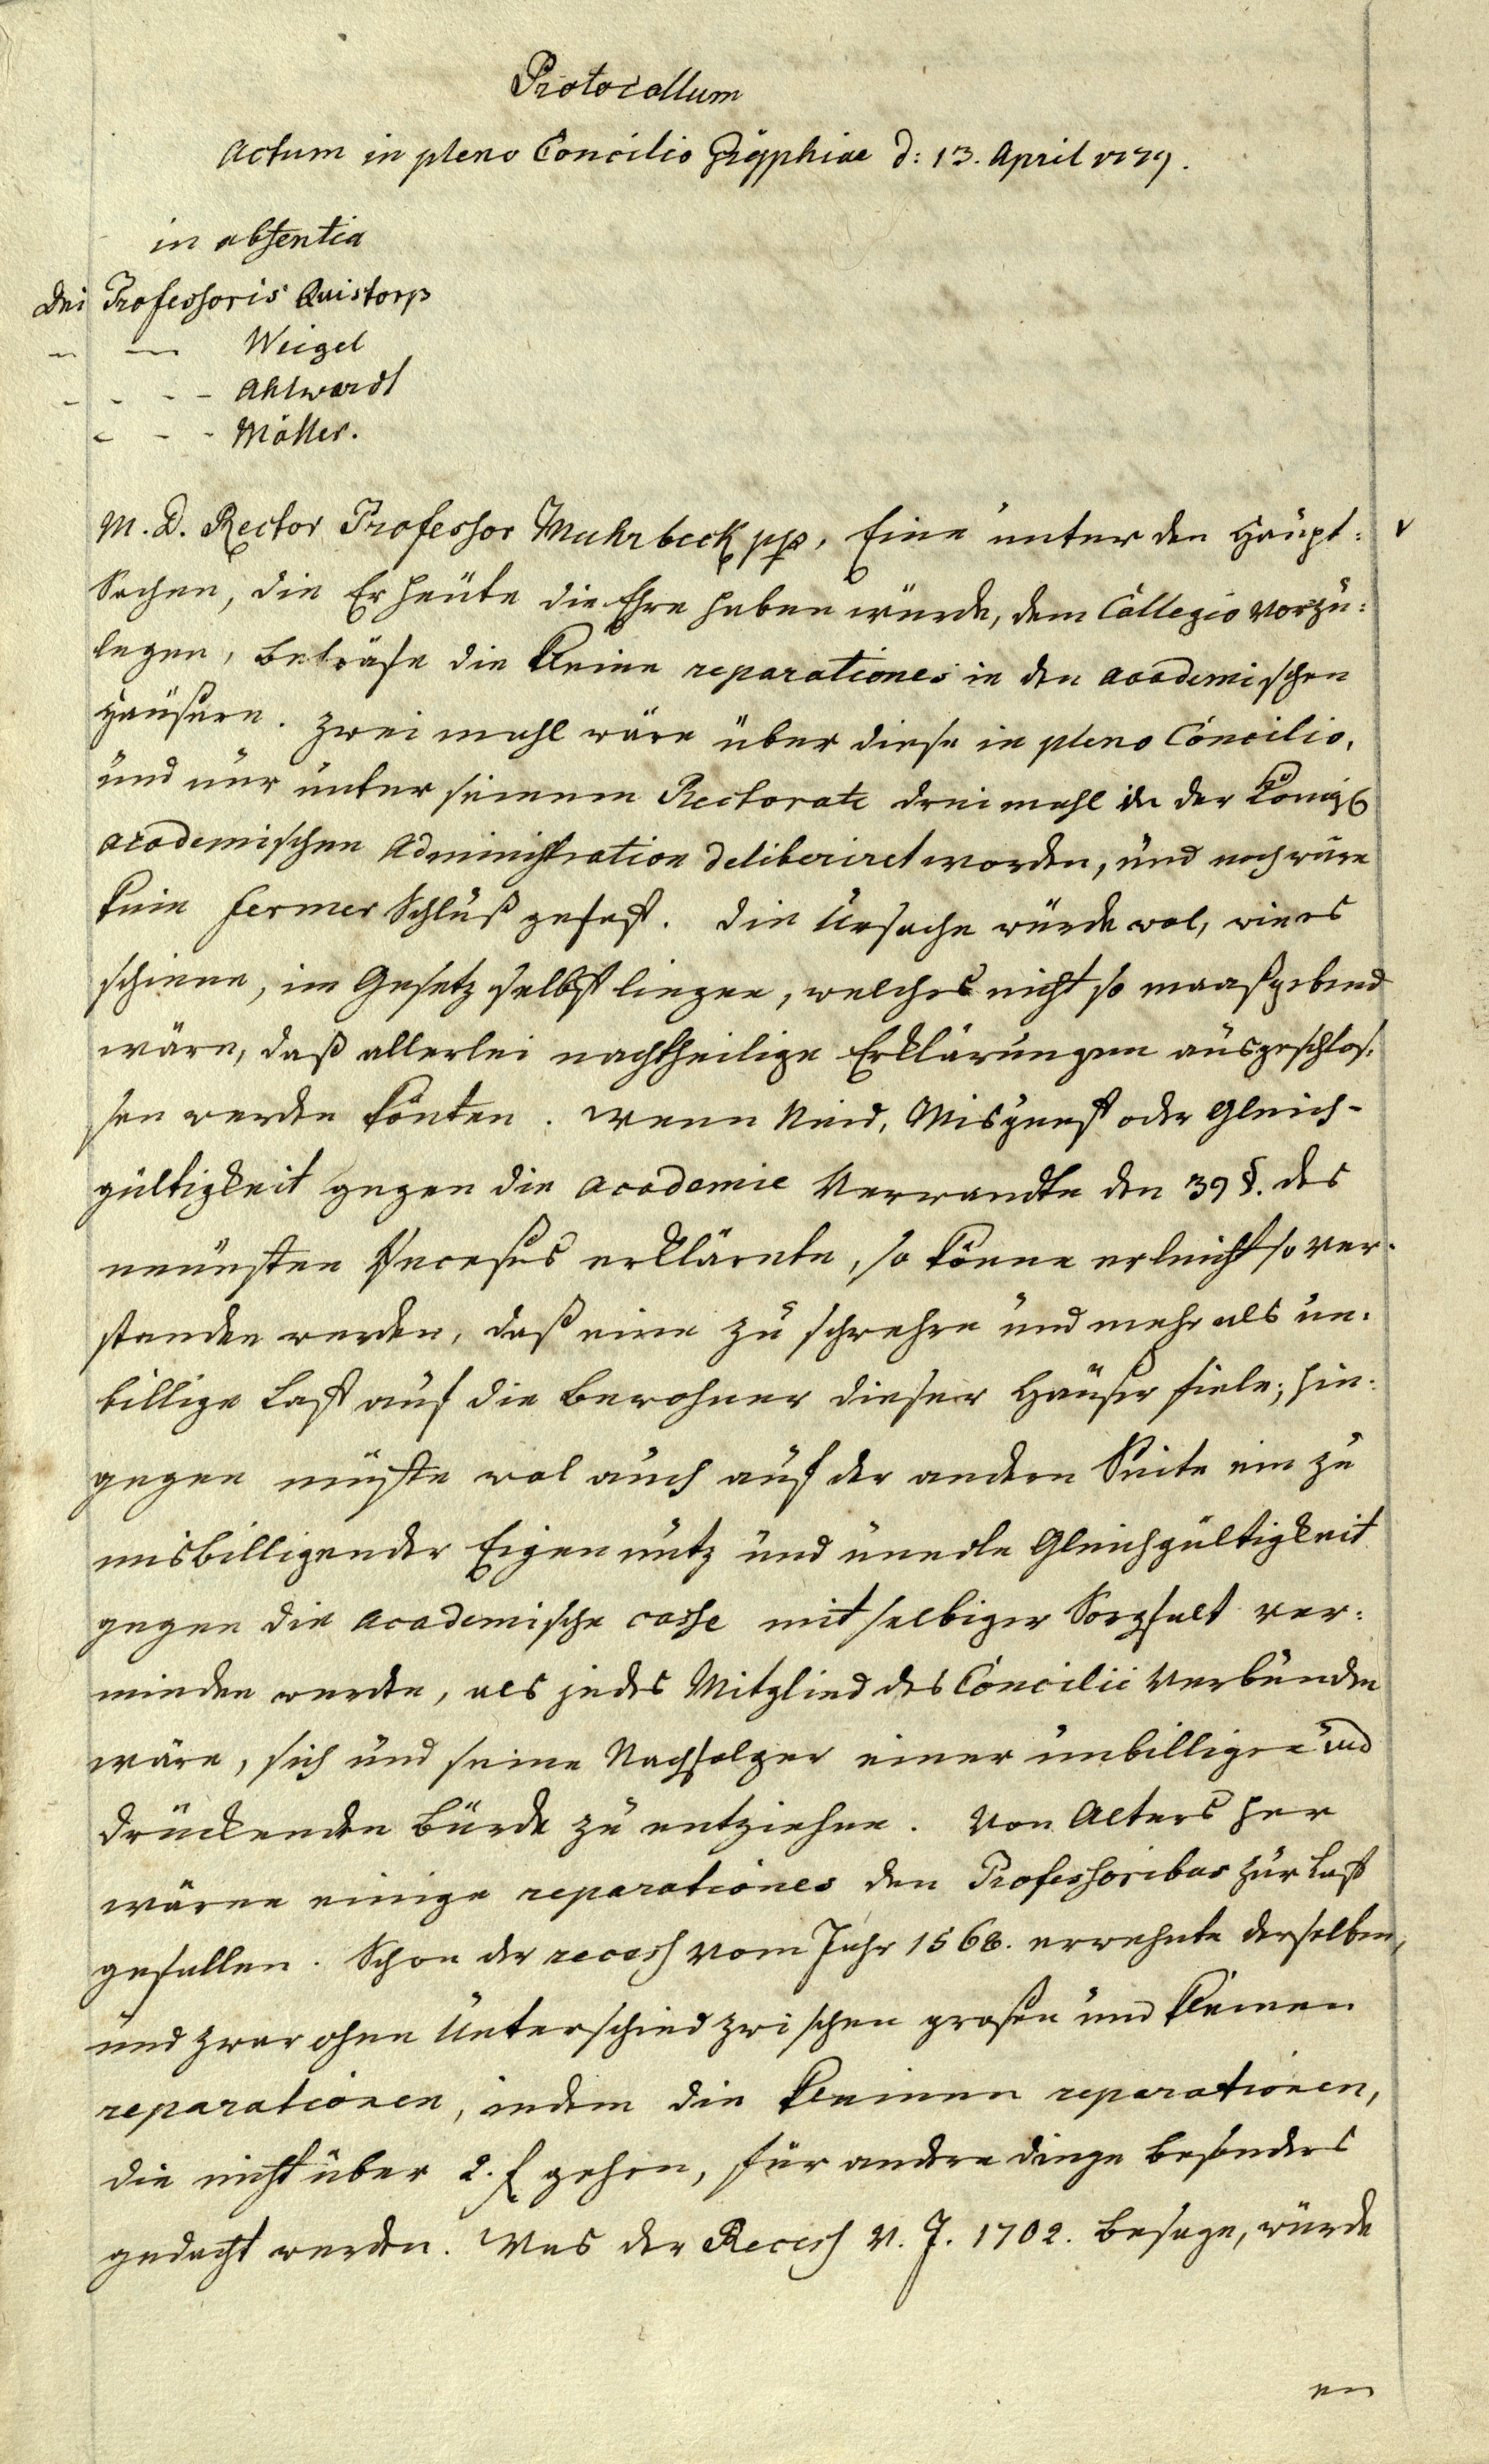Protocollum
Actum in pleno Concilio Grÿphiae d. 13. April 1779.
in absentia
Dni Professoris Quistorp
Weigel
Ahlwardt
Möller.
M. D. Rector Professor Muhrbeck pp. Eine unter den Haupt¬
Sachen, die Er heute die Ehre haben würde, dem Collegio vorzu¬
legen, beträfe die kleine reparationes in den academischen
Häusern. Zwei mahl wäre über diese in pleno Concilio,
und nur unter seinem Rectorate dreimahl in der Königl.
Academischen Administration deliberiret worden, und noch wäre
kein fermer Schluß gefast. Die Ursache würde wol, wie es
schiene, im Gesetz selbst liegen, welches nicht so maaßgebend
wäre, daß allerlei nachtheilige Erklärungen ausgeschlos¬
sen werden könten. Wenn Neid, Misgunst oder Gleich¬
gültigkeit gegen die Academie Verwandte den 39 §. des
neuesten Receßes erklärete, so könne er leicht so ver¬
standen werden, daß eine zu schwehre und mehr als un¬
billige Last auf die Bewohner dieser Häuser fiele; hin¬
gegen müste wohl auch auf der andern Seite ein zu
misbilligender Eigennutz und unedle Gleichgültigkeit
gegen die Academische casse mit selbiger Sorgfalt ver¬
mieden werden, als jedes Mitglied des Concilii verbunden
wäre, sich und seine Nachfolger einer unbilligen und
drückenden Bürde zu entziehen. Von Alters her
wären einige reparationes den Professoribus zur Last
gefallen. Schon der recess vom Jahr 1568. erwehnte derselben,
und zwar ohne Unterschied zwischen großen und kleinen
reparationen, indem die kleinen reparationen,
die nicht über 2 s. gehen, für andere Dinge besonders
gedacht werden. Was der Recess v. J. 1702. besage, würde
er